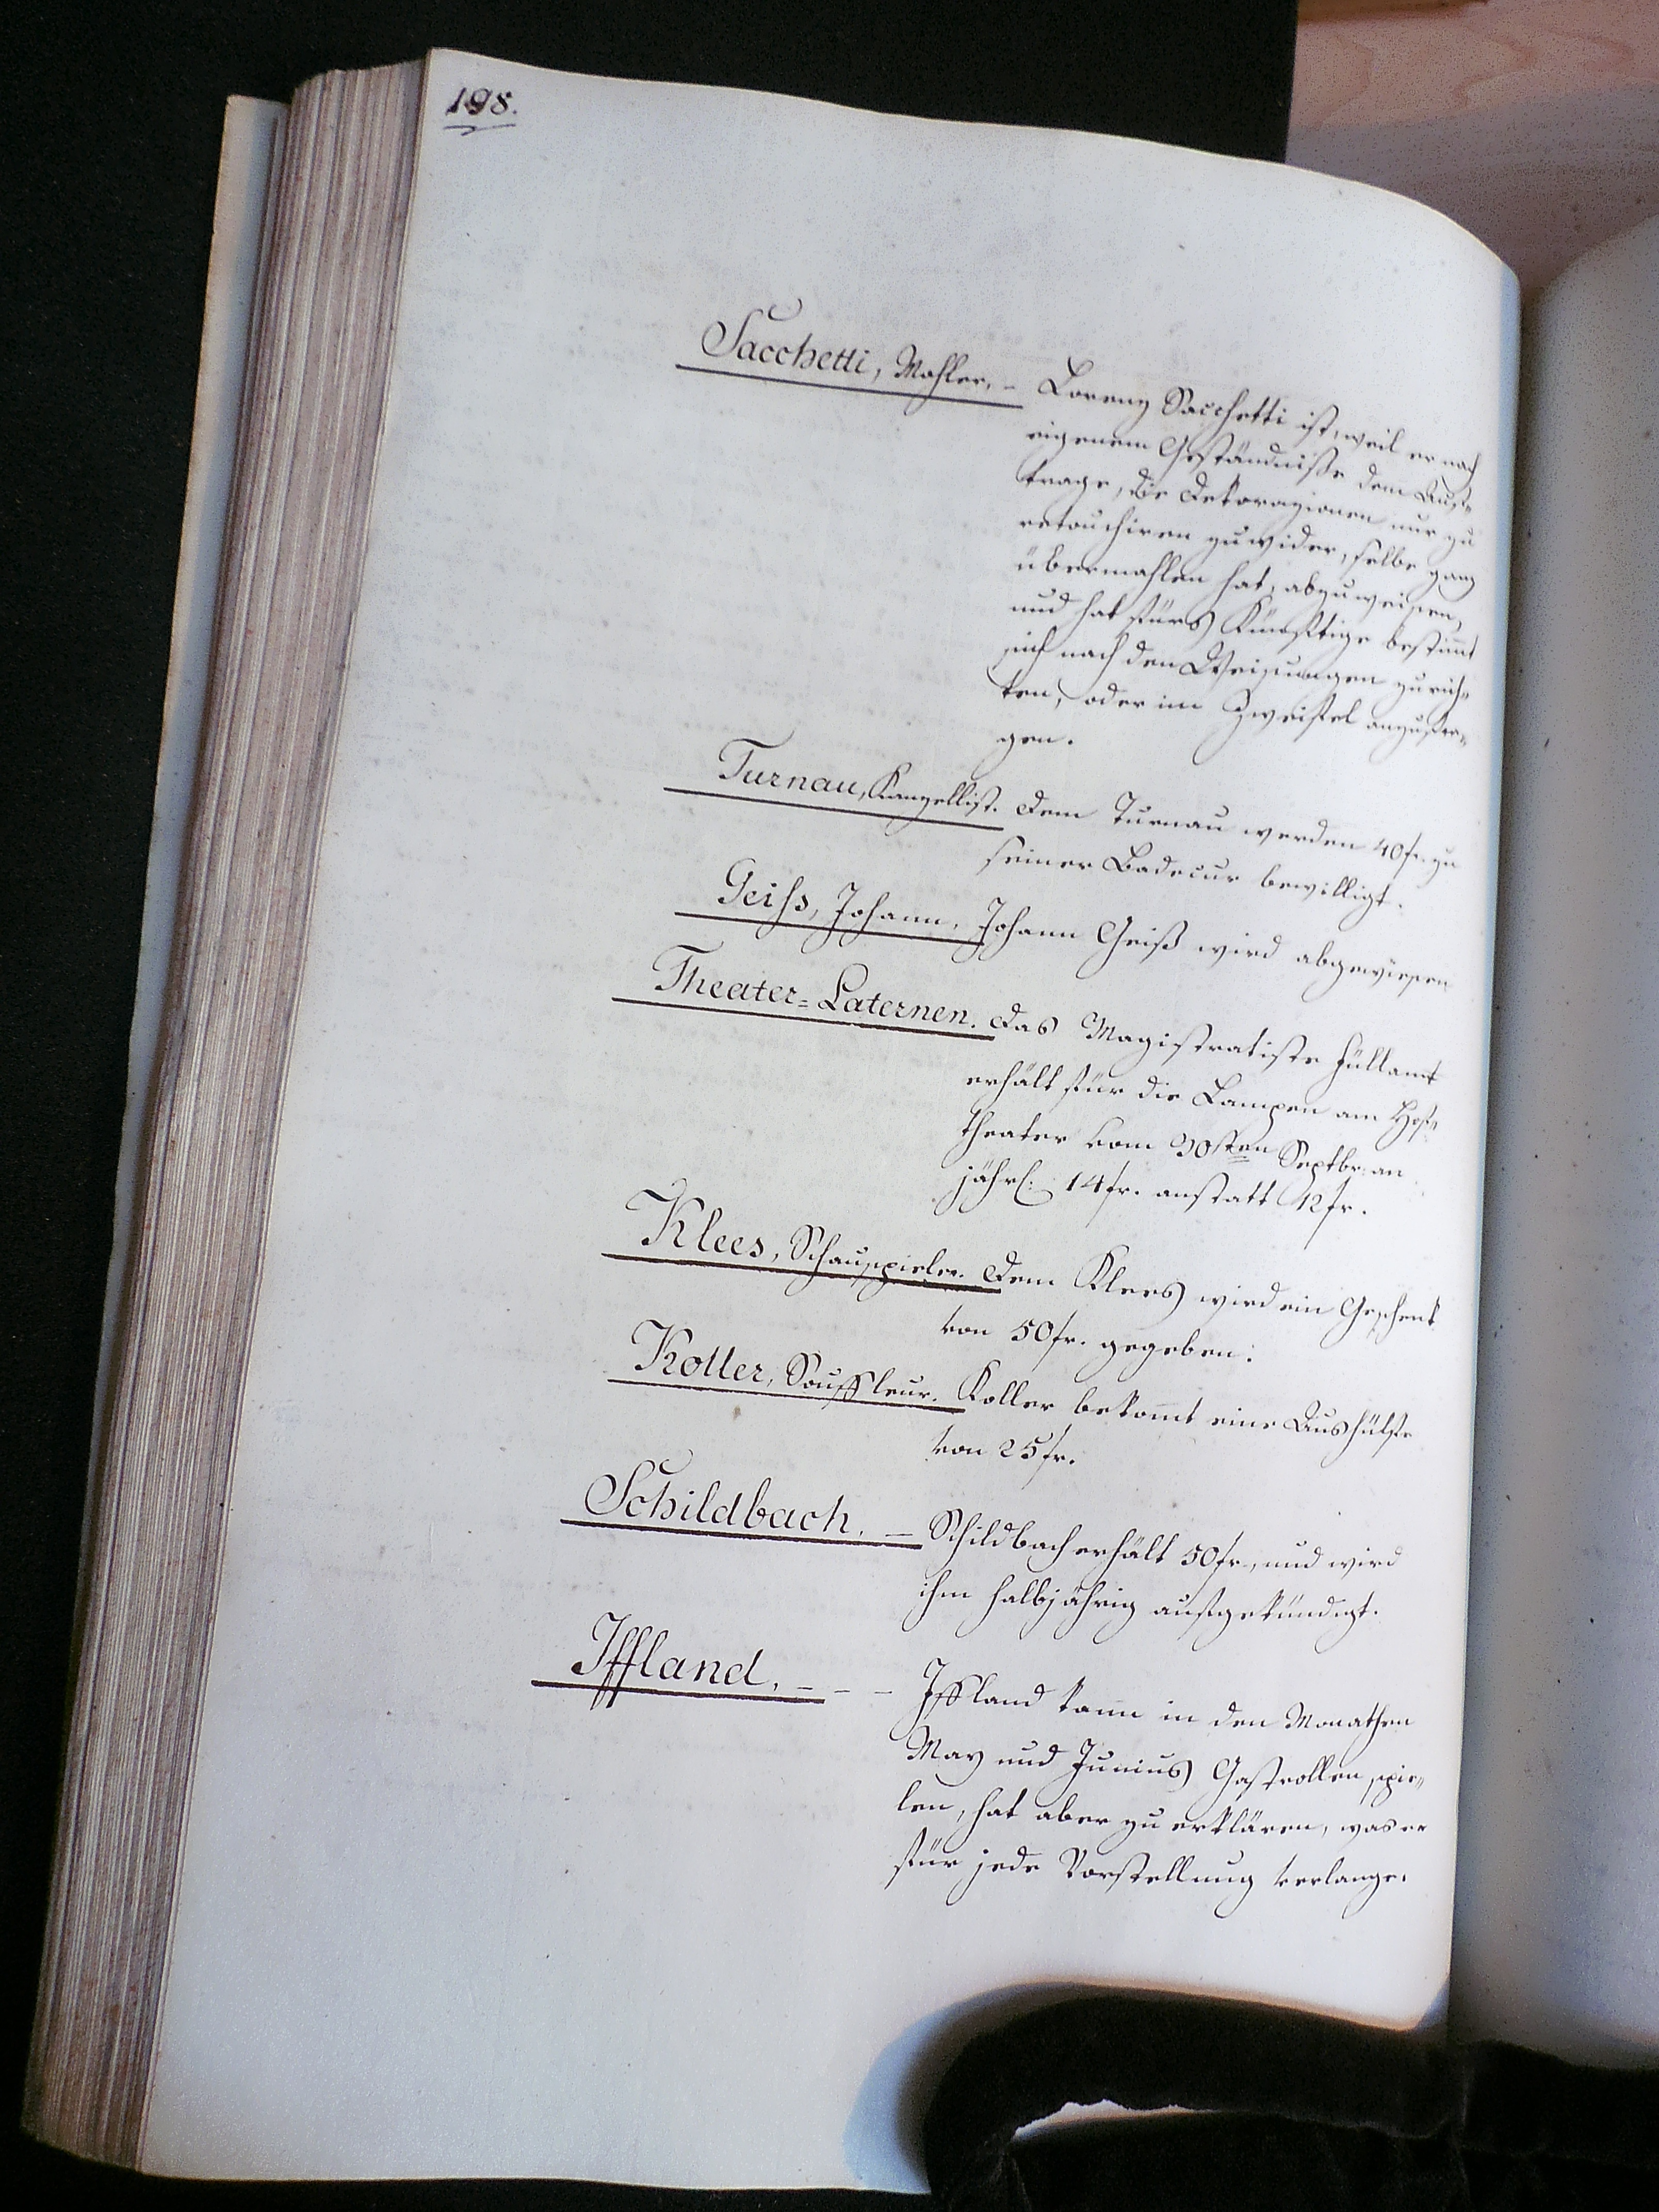198.
Sacchetti, Mahler. .. Lorenz Sacchetti ist weil er nach
eigenem Geständniße dem Auf¬
trage, die Dekorazionen nur zu
retouchiren zuwider, selbe ganz
übermahlen hat, abzuweisen,
und hat fürs Künftige bestim̅t
sich nach den Weisungen zurich¬
ten, oder im Zweifel anzufra¬,
gen.
Turnau, Kanzellist. Dem Turnau werden 40fr. zu
seiner Badecur bewilligt.
Geiss, Johann. Johann Geiß wird abgewiesen.
Theater‗Laternen. Das Magistratiste Füllamt
erhält für die Lampen am Hof¬
theater vom 30ste͇n Septbr: an
jährl: 14fr. anstatt 12fr.
Klees, Schauspieler. Dem Klees wird ein Geschenk
von 50fr. gegeben.
Koller, Souffleur. Koller bekom̅t eine Aushülfe
von 25fr.
Schildbach. .. Schildbach erhält 50fr. und wird
ihm halbjährig aufgekündigt.
Iffland. .. .. .. Iffland kann in den Monathen
May und Junius Gastrollen spie¬
len, hat aber zu erklären, was er
für jede Vorstellung verlange.